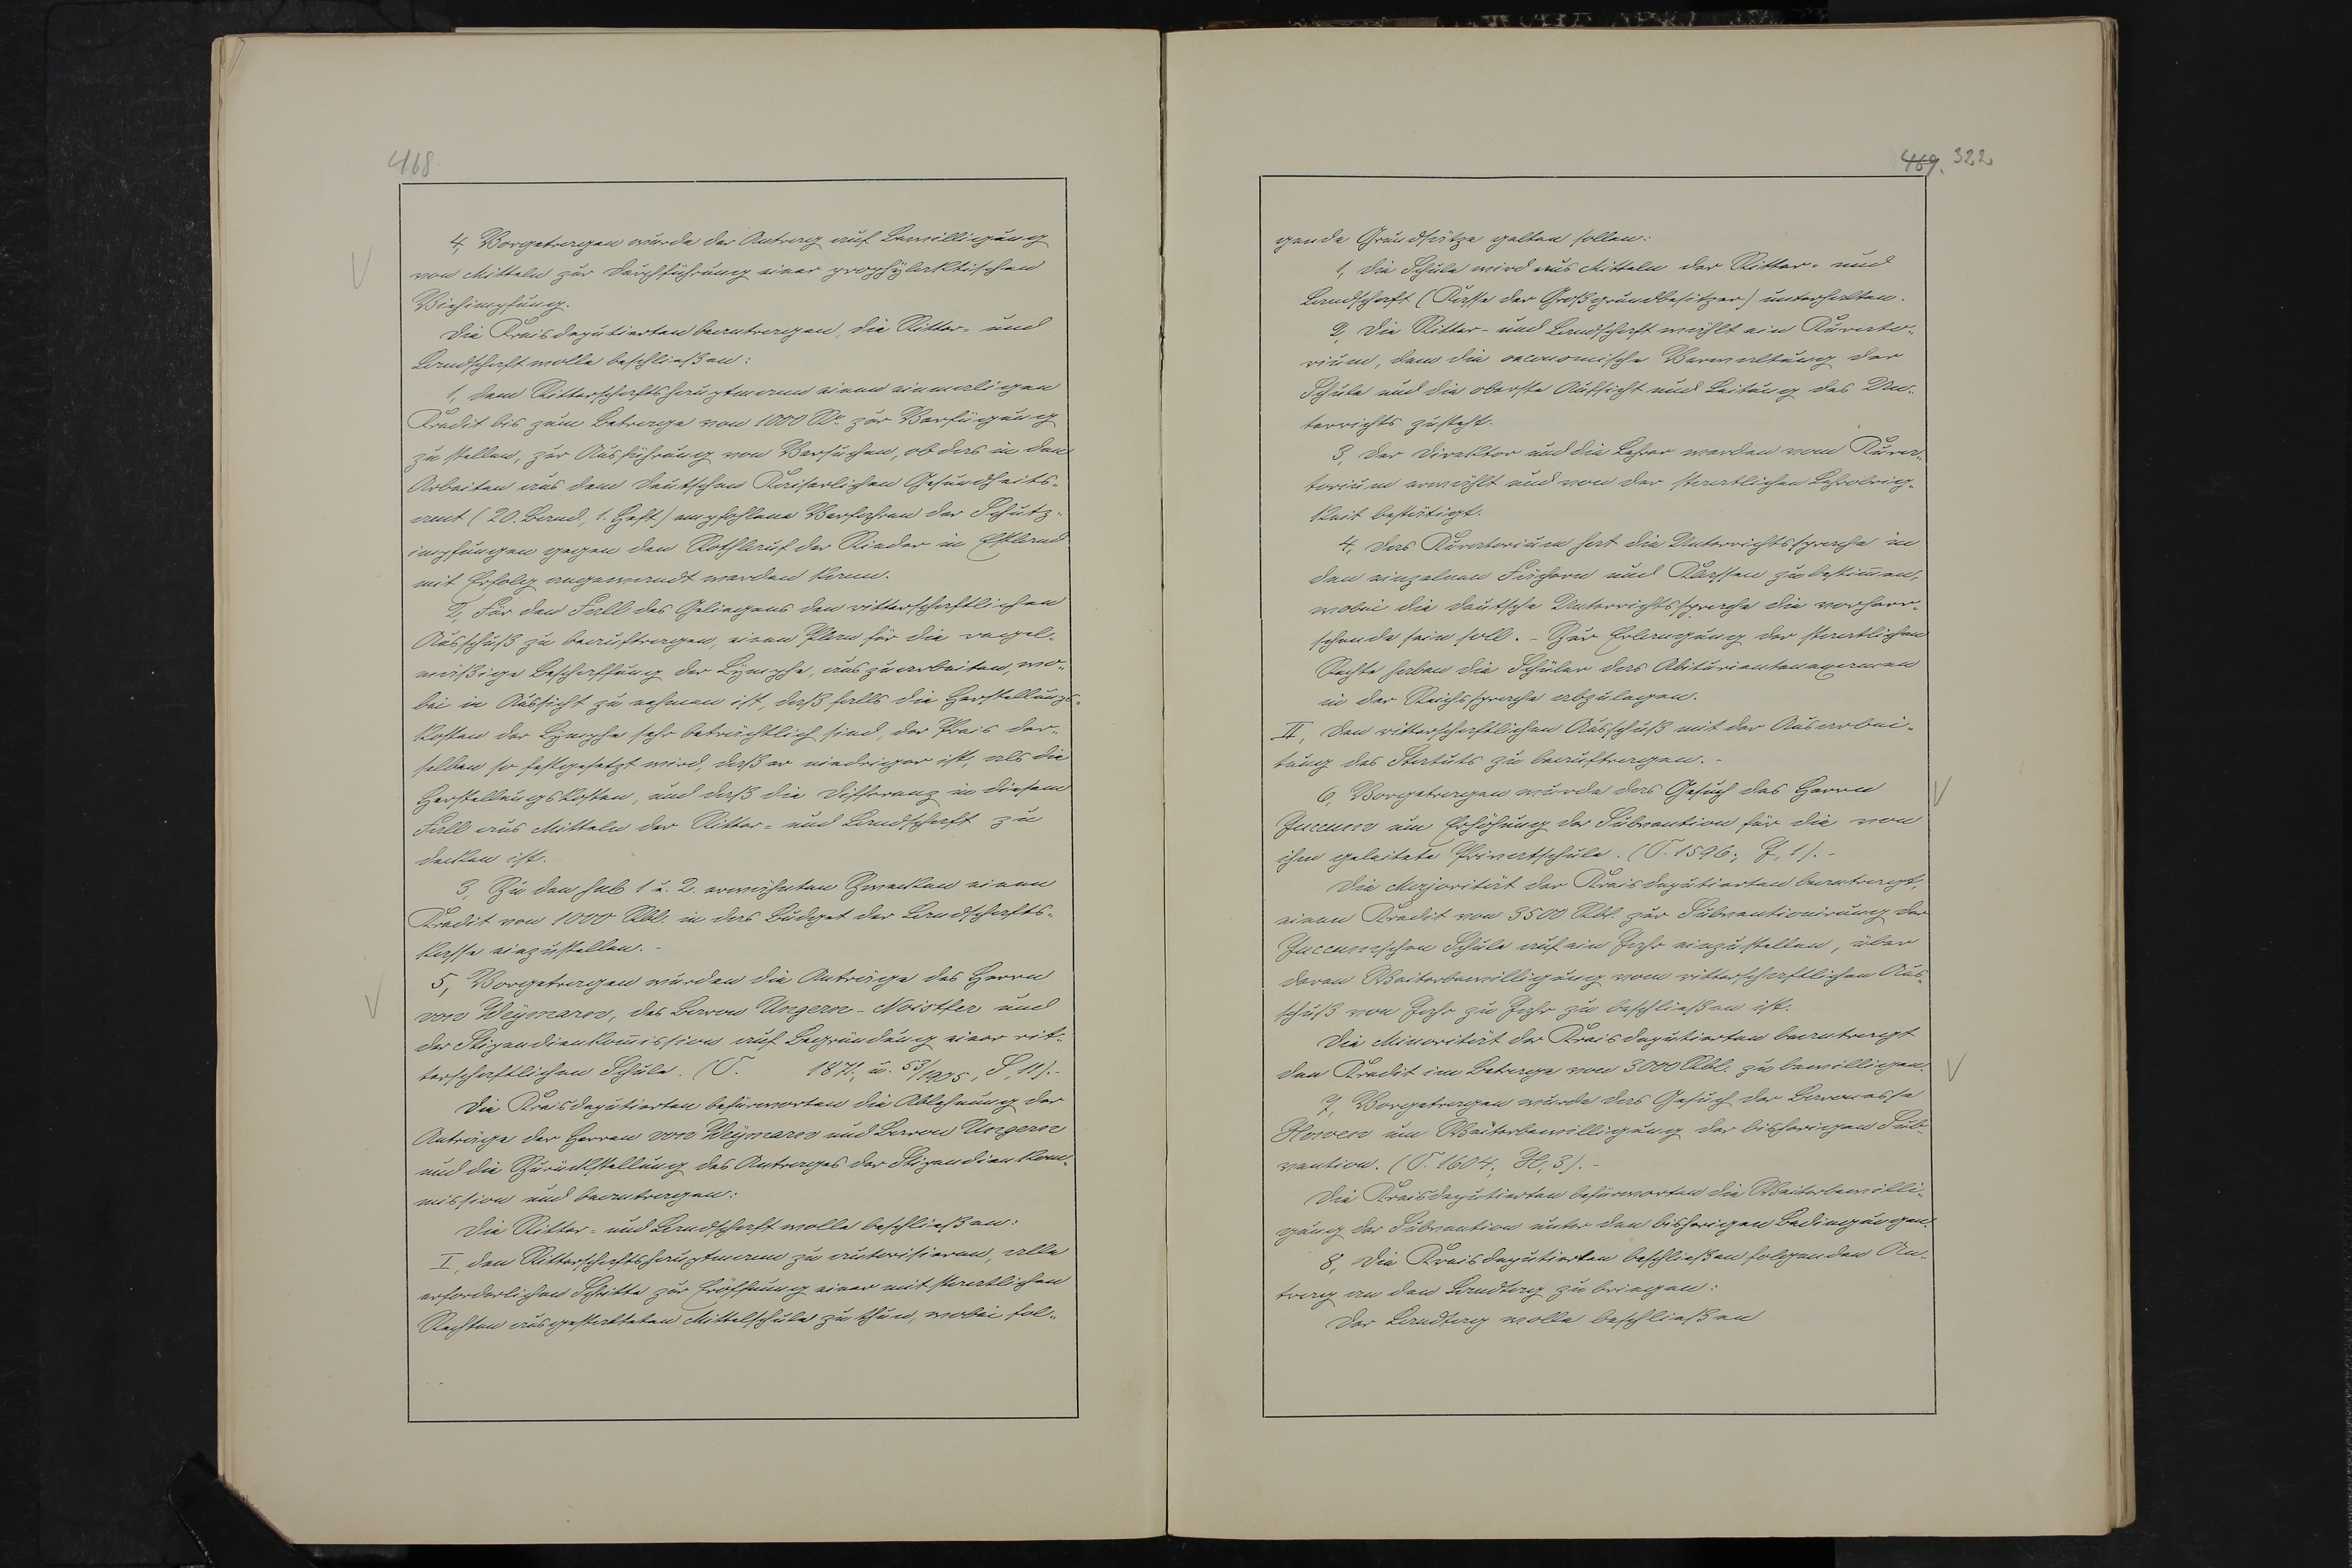4. Vorgetragen wurde der Antrag auf Bewilligung
von Mitteln zur Durchführung einer prophylaktischen
Viehimpfung.
Die Kreisdeputierten beantragen, die Ritter- und
Landschaft wolle beschließen:
1. Dem Ritterschaftshauptmann einen einmaligen
Kredit bis zum Betrage von 1000 Ro. zur Verfügung
zu stellen, zur Ausführung von Versuchen, ob das in den
Arbeiten aus dem Deutschen Kaiserlichen Gesundheits-
amt (20. Band, 1. Heft) empfohlene Verfahren der Schutz-
impfung gegen den Rothlauf der Rinder in Estland
mit Erfolg angewandt werden kann.
2. Für den Fall des Gelingens den ritterschaftlichen
Ausschuß zu beauftragen, einen Plan für die regel-
mäßige Beschaffung der Lymphe auszuarbeiten, wo-
bei in Aussicht zu nehmen ist, daß falls die Herstellungs-
kosten der Lymphe sehr beträchtlich sind, der Preis der-
selben so festgesetzt wird, daß er niedriger ist, als die
Herstellungskosten, und daß die Differenz in diesem
Fall aus Mitteln der Ritter- und Landschaft zu
decken ist.
3. Zu den sub 1 u. 2. erwähnten Zwecken einen
Kredit von 1000 Rbl. in das Budget der Landschafts-
kasse einzustellen.
5. Vorgetragen wurden die Anträge des Herrn
von Weymarn, des Baron Ungern-Noistfer und
der Stipendienkommission auf Begründung einer rit-
terschaftlichen Schule. (T 1871; u. 53/1905, S.11).
Die Kreisdeputierten befürworten die Ablehnung der
Anträge der Herren von Weymarn und Baron Ungern
und die Zurückstellung des Antrages der Stipendienkom-
mission und beantragen:
Die Ritter- und Landschaft wolle beschließen:
I. den Ritterschaftshauptmann zu autorisieren, alle
erforderlichen Schritte zur Eröffnung einer mit staatlichen
Rechten ausgestatteten Mittelschule zu thun, wobei fol-
gende Grundsätze gelten sollen:
1. Die Schule wird aus Mitteln der Ritter- und
Landschaft (Kasse der Großgrundbesitzer) unterhalten.
2. Die Ritter- und Landschaft wählt ein Kurato-
rium, dem die oeconomische Verwaltung der
Schule und die oberste Aufsicht und Leitung des Un-
terrichts zusteht.
3. Der Direktor und die Lehrer werden vom Kura-
torium erwählt und von der staatlichen Lehrobrig-
keit bestätigt.
4. Das Kuratorium hat die Unterrichtssprache in
den einzelnen Fächern und Klassen zu bestimmen,
wobei die deutsche Unterrichtssprache die vorherr-
schende sein soll. - Zur Erlangung der staatlichen
Rechte haben die Schüler das Abiturientenexamen
in der Reichssprache abzulegen.
II. Den ritterschaftlichen Ausschuß mit der Ausarbei-
tung des Statuts zu beauftragen.
6. Vorgetragen wurde das Gesuch des Herrn
Juccum um Erhöhung der Subvention für die von
ihm geleitete Privatschule. (T.1596; J.1).
Die Majorität der Kreisdeputierten beantragt,
einen Kredit von 3500 Rbl. zur Subventionierung der
Juccumschen Schule auf ein Jahr einzustellen, über
deren Weiterbewilligung vom ritterschaftlichen Aus-
schuß von Jahr zu Jahr zu beschließen ist.
Die Minorität der Kreisdeputierten beantragt
den Kredit im Betrage von 3000 Rbl. zu bewilligen.
7. Vorgetragen wurde das Gesuch der Baronesse
Howen um Weiterbewilligung der bisherigen Sub-
vention. (T.1604; H.3).
Die Kreisdeputierten befürworten die Weiterbewilli-
gung der Subvention unter den bisherigen Bedingungen.
8. Die Kreisdeputierten beschließen folgenden An-
trag an den Landtag zu bringen:
Der Landtag wolle beschließen